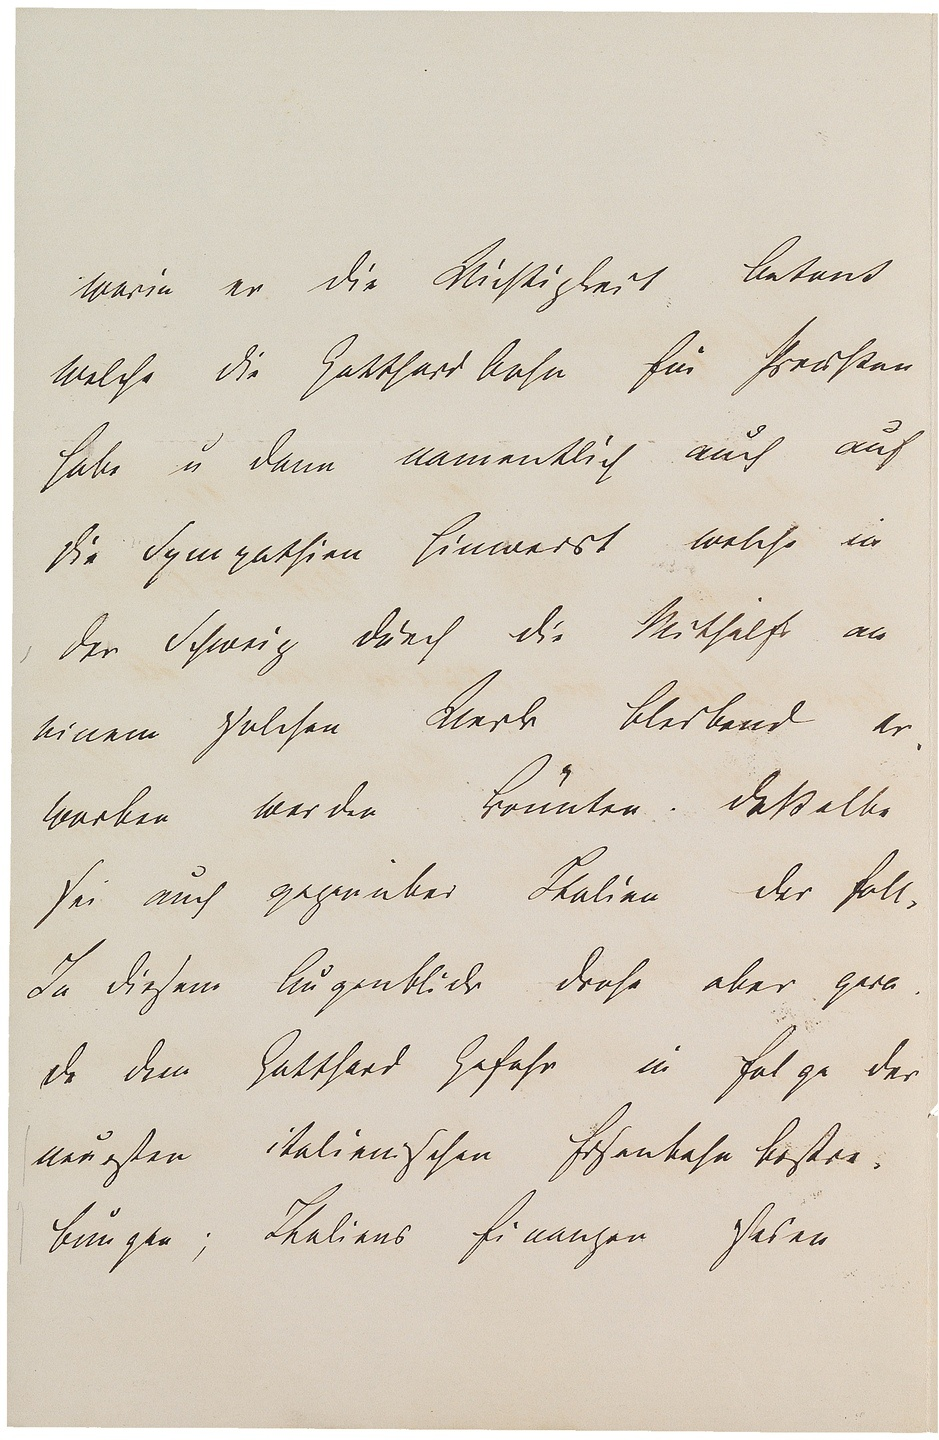worin er die Wichtigkeit betont
welche die Gotthardbahn für Preußen
habe u dann namentlich auch auf
die Sympathien hinweist welche in
der Schweiz durch die Mithilfe an
einem solchen Werk bleibend er-
worben werden könnten. Dasselbe
sei auch gegenüber Italien der Fall.
In diesem
de dem Gotthard Gefahr in Folge der
neuesten italienischen Eisenbahn bestre-
bungen; Italiens Finanzen seien